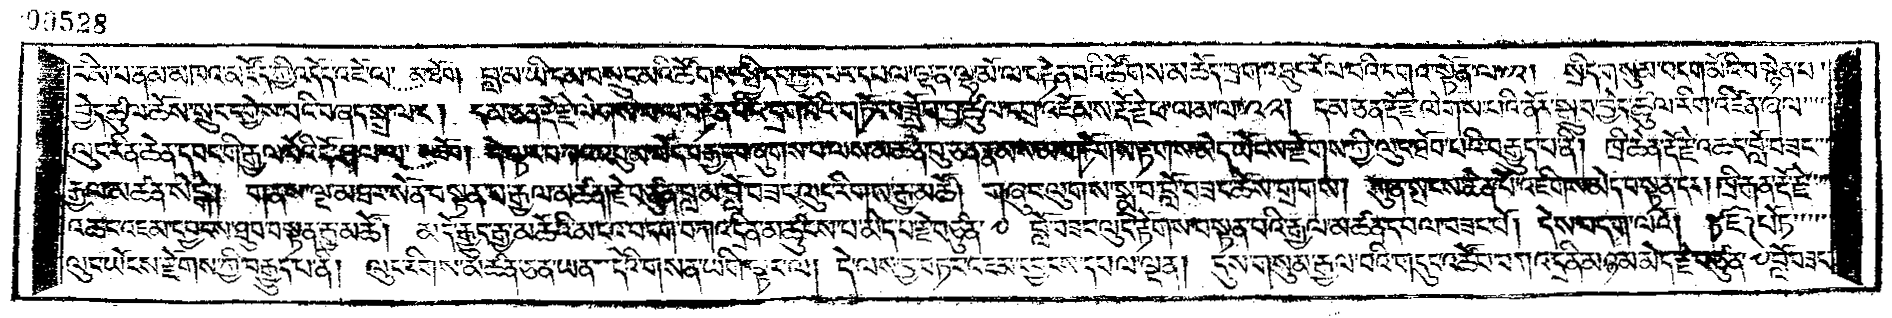རིམ་པ་ནམ་མཁའ་མཛོད་ཀྱི་འདོད་འཇོ་ལ་མ་ཐོབ།  བླ་མ་ཡི་དམ་བསྲུང་མའི་ཚོགས་སྤྱི་དང་ཁྱད་པར་དཔལ་ལྡན་ལྷ་མོ་ལ་བརྟེན་པའི་ཚོགས་མཆོད་ཁྲག་འཐུང་རོལ་བའི་དགའ་སྟོན་ལ ༣། སྲིད་གསུམ་བདག་མོའི་བསྙེན་པ་
བྱེད་ཚུལ་ཆོས་སྲུང་དགྱེས་པའི་བཞད་སྒྲ་ལ ༨། དམ་ཅན་རྡོ་རྗེ་ལེགས་པ་ལ་བརྟེན་པའི་དྲག་པོའི་གཏོར་བཟློག་བྱ་ཚུལ་དགྲ་འཇོམས་རྡོ་རྗེ་ཕ་ལམ་ལ ༢༢། དམ་ཅན་རྡོ་རྗེ་ལེགས་པའི་ནོར་སྒྲུབ་བྱེད་ཚུལ་རིག་འཛིན་ཞལ་
ལུང་རིན་ཆེན་དབང་གི་རྒྱལ་བོའི་དོ་ཤལ་ལ་མ་ཐོབ།  དེ་ལྟར་བཀའ་འབུམ་པོད་བརྒྱད་བཞུགས་པ་ལས་མཆན་བུ་ཅན་རྣམས་མ་གཏོགས་རྟགས་མེད་ཡོངས་རྫོགས་ཀྱི་ལུང་ཐོབ་པའི་བརྒྱུད་པ་ནི། ཁྲི་ཆེན་རྡོ་རྗེ་འཆད་བློ་བཟང་
རྒྱལ་མཚན་སེངྒེ། གནས་ལྔ་མཐར་སོན་བསྟན་པ་རྒྱལ་མཚན། རྗེ་བཙུན་བླ་མ་བློ་བཟང་ལུང་རིགས་རྒྱ་མཚོ། གཞུང་ལུགས་སྨྲ་བ་བློ་བཟང་ཆོས་གྲགས། ཀུན་སྤངས་ཆེན་པོ་འཇིགས་མེད་བསྟན་དར། ཁྲི་རྒན་རྡོ་རྗེ་
འཆང་འཇམ་དབྱངས་ཐུབ་བསྟན་རྒྱ་མཚོ། མདོ་རྒྱུད་རྒྱ་མཚོའི་མངའ་བདག་བཀའ་དྲིན་མཚུངས་པ་མེད་པ་རྗེ་བཙུན ༧་བློ་བཟང་ལུང་རྟོགས་བསྟན་པའི་རྒྱལ་མཚན་དཔལ་བཟང་པོ། དེས་བདག་ལའོ། །༼ཇ༽ པོཏ་
ལུང་ཡོངས་རྫོགས་ཀྱི་བརྒྱུད་པ་ནི། ལུང་རིགས་མཚན་ཅན་ཡན་དེའི་གསན་ཡིག་ལྟར་ལ། དེ་ལས་བྱ་བཏང་འཇམ་དབྱངས་དཔལ་ལྡན། དུས་གསུམ་རྒྱལ་བའི་གདུང་འཚོབ་བཀའ་འདྲིན་མཉམ་མེད་རྗེ་བཙུན་བློ་བཟང་